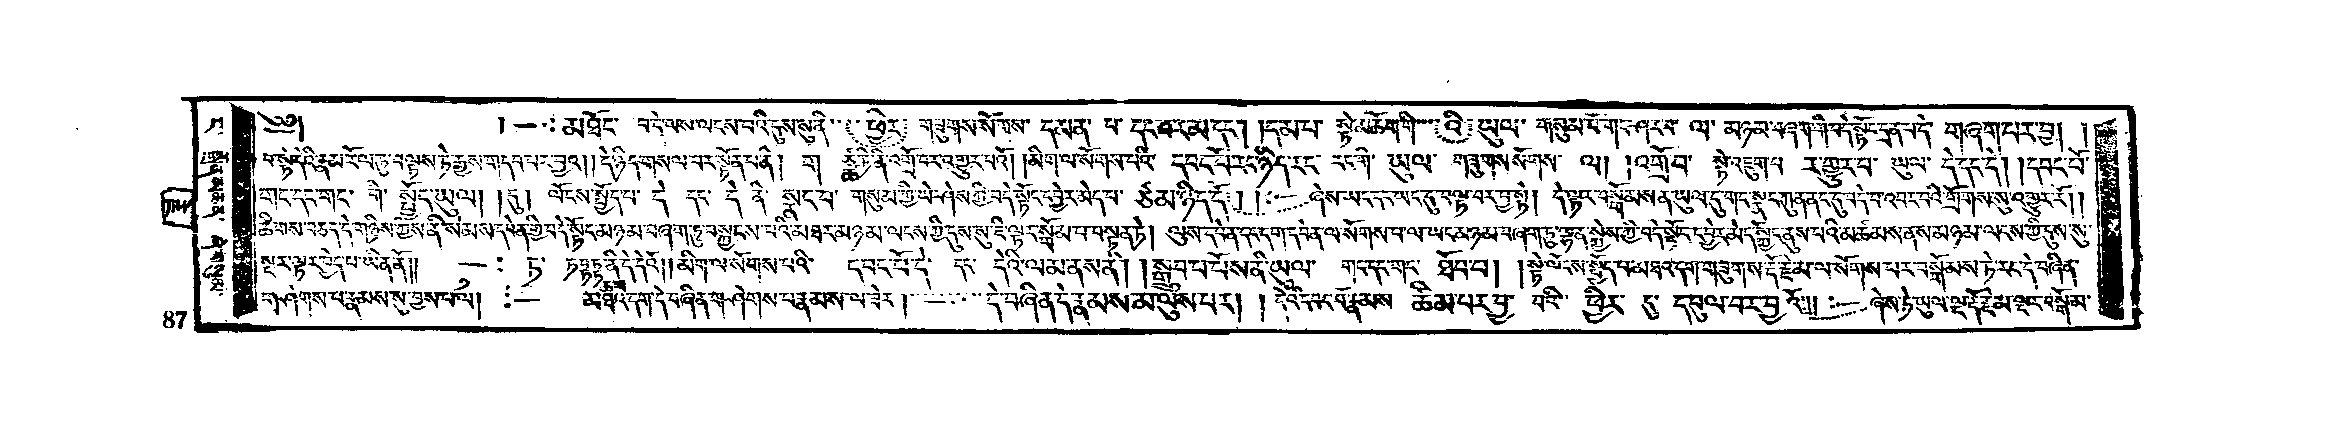༄༅། །.Hམཐོང་བ་དེ་ལས་ལངས་པའི་དུས་སུ་ནི་ཕྱིར་གཟུགས་སོགས་དམན་པ་དང་བར་མ་དང་། །དམ་པ་སྟེ་མཆོག་གི་འི་ཡུལ་གསུམ་པོ་གང་ཤར་བ་ལ་མཉམ་བཞག་གི་བདེ་སྟོང་དྲན་པ་དེ་གཞག་པར་བྱ། །
པ་སྟེ་དེའི་རྣམ་རོལ་ཏུ་བལྟས་ཏེ་རྒྱས་གདབ་པར་བྱའོ། །དེ་ཉིད་གསལ་བར་སྟོན་པ་ནི།  ག་ཙྪ་ཏི་ནི་འགྲོ་བར་འགྱུར་བའོ། །མིག་ལ་སོགས་པའི་དབང་པོ་རང་ཉིད་རང་རང་གི་ཡུལ་གཟུགས་སོགས་ལ། །འགྲོ་བ་སྟེ་འཇུག་པར་གྱུར་པ་ཡུལ་དེ་དང་དེ། །དབང་པོ་
གང་དང་གང་གི་སྤྱོད་ཡུལ། ། དུ། ལོངས་སྤྱོད་པ་དེ་དང་དེ་ནི་སྣང་བ་གསུམ་གྱི་ཡེ་ཤེས་ཀྱི་བདེ་སྟོང་དབྱེར་མེད་པ་ཙམ་ཉིད་དོ། །H.་ཞེས་ཡང་དང་ཡང་དུ་བལྟ་བར་བྱ་སྟེ། དེ་ལྟར་བསྒོམས་ན་ཡུལ་དུ་གང་སྣང་ཀུན་ནང་དུ་བདེ་བ་འབར་བའི་གྲོགས་སུ་འགྱུར་རོ། །
ཚིགས་བཅད་དེ་གཉིས་ཀྱིས་ནི་སེམས་དབེན་གྱི་བདེ་སྟོང་མཉམ་བཞག་ཏུ་བསྐྱངས་པའི་མཐར་མཉམ་ལངས་ཀྱི་དུས་སུ་ཇི་ལྟར་སྒོམ་པ་བསྟན་ཏེ། ལུས་དབེན་དང་དག་དབེན་ལ་སོགས་པ་ལ་ཡང་མཉམ་བཞག་ཏུ་ལྷན་སྐྱེས་ཀྱི་བདེ་སྟོང་དབྱེར་མེད་སྐྱོང་ནུས་པའི་མཚམས་ནས་མཉམ་ལངས་ཀྱི་དུས་སུ་
སྔར་ལྟར་བྱེད་པ་ཡིན་ནོ།། .H ཏ་ཏ་ཏྟ་ཏྟ་ནི་དེ་དེའོ། །མིག་ལ་སོགས་པའི་དབང་པོ་དེ་དང་དེའི་ལམ་ནས་ནི། །སྒྲུབ་པ་པོས་ནི་ཡུལ་གང་དང་གང་ཐོབ་པ། །སྟེ་ལོངས་སྤྱོད་པ་མཐའ་དག་གཟུགས་རྡོ་རྗེ་མ་ལ་སོགས་པར་བསྒོམས་ཏེ་རང་དེ་བཞིན་
གཤེགས་པ་རྣམས་སུ་བྱས་པ་ལ།༡་H.་ཆག་མཐའ་དག་དེ་བཞིན་གཤེགས་པ་རྣམས་ལ་ཟེར། .H དེ་བཞིན་དེ་རྣམས་མ་ལུས་པར། ། དེའི་དབང་པོ་རྣམས་ཚིམ་པར་བྱ་བའི་ཕྱིར་དུ་དབུལ་བར་བྱའོ།། H.་ཞེས་ཏེ་ཡུལ་ལྔ་རྡོ་རྗེ་མ་ལྔར་བསྒོམ་